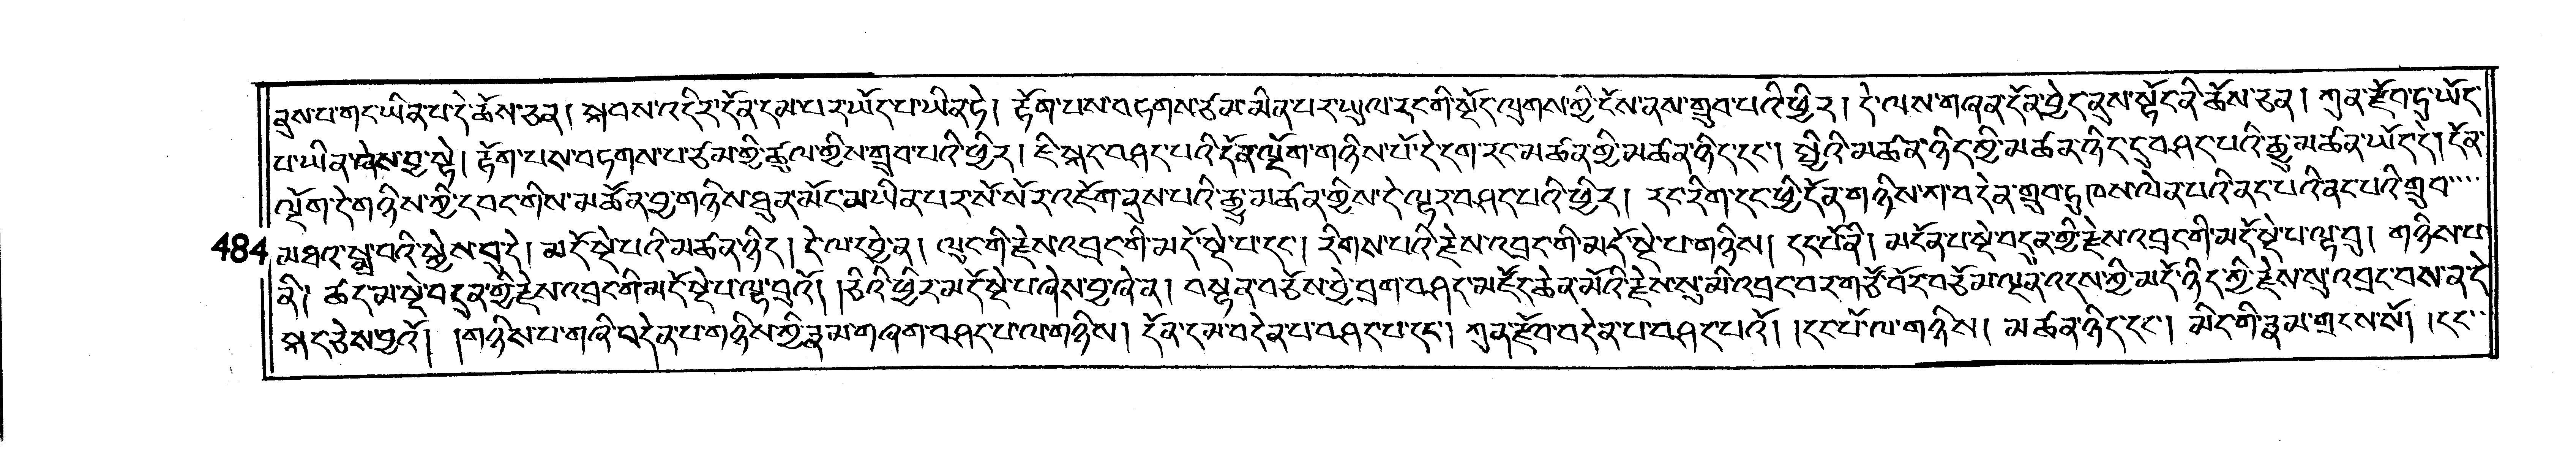ནུས་པ་གང་ཡིན་པ་དེ་ཆོས་ཅན། སྐབས་འདིར་དོན་དམ་པར་ཡོད་པ་ཡིན་ཏེ། རྟོག་པས་བཏགས་ཙམ་མིན་པར་ཡུལ་རང་གི་སྡོད་ལུགས་ཀྱི་ངོས་ནས་གྲུབ་པའི་ཕྱིར། དེ་ལས་གཞན་དོན་བྱེད་ནུས་སྟོང་ནི་ཆོས་ཅན། ཀུན་རྫོབ་ཏུ་ཡོད་
པ་ཡིན་ཞེས་བྱ་སྟེ། རྟོག་པས་བཏགས་པ་ཙམ་གྱི་ཚུལ་གྱིས་གྲུབ་པའི་ཕྱིར། ཇི་སྐད་བཤད་པའི་དོན་ལྡོག་གཉིས་པོ་དེ་དག་རང་མཚན་གྱི་མཚན་ཉིད་དང་། སྤྱིའི་མཚན་ཉིད་ཀྱི་མཚན་ཉིད་དུ་བཤད་པའི་རྒྱུ་མཚན་ཡོད་དེ། དོན་
ལྡོག་དེ་གཉིས་ཀྱི་དབང་གིས་མཚོན་བྱ་གཉིས་ཐུན་མོང་མ་ཡིན་པར་སོ་སོར་འཇོག་ནུས་པའི་རྒྱུ་མཚན་གྱིས་དེ་ལྟར་བཤད་པའི་ཕྱིར། རང་རིག་དང་ཕྱི་དོན་གཉིས་ཀ་བདེན་གྲུབ་ཏུ་ཁས་ལེན་པའི་ནང་པའི་ནང་པའི་གྲུབ་
མཐའ་སྨྲ་བའི་སྐྱེས་བུ་དེ། མདོ་སྡེ་པའི་མཚན་ཉིད། དེ་ལ་དབྱེ་ན། ལུང་གི་རྗེས་འབྲང་གི་མདོ་སྡེ་པ་དང་། རིགས་པའི་རྗེས་འབྲང་གི་མདོ་སྡེ་པ་གཉིས། དང་པོ་ནི། མངོན་པ་སྡེ་བདུན་གྱི་རྗེས་འབྲང་གི་མདོ་སྡེ་པ་ལྟ་བུ། གཉིས་པ་
ནི༑ ཚད་མ་སྡེ་བདུན་གྱི་རྗེས་འབྲང་གི་མདོ་སྡེ་པ་ལྟ་བུའོ། །ཅིའི་ཕྱིར་མདོ་སྡེ་པ་ཞེས་བྱ་ཞེ་ན། བསྟན་བཅོས་བྱེ་བྲག་བཤད་མཛོད་ཆེན་མོའི་རྗེས་སུ་མི་འབྲང་བར་གཙོ་བོར་བཅོམ་ལྡན་འདས་ཀྱི་མདོ་ཉིད་ཀྱི་རྗེས་སུ་འབྲང་བས་ན་དེ་
སྐད་ཅེས་བྱའོ། །གཉིས་པ་གཞི་བདེན་པ་གཉིས་ཀྱི་རྣམ་གཞག་བཤད་པ་ལ་གཉིས། དོན་དམ་བདེན་པ་བཤད་པ་དང་། ཀུན་རྫོབ་བདེན་པ་བཤད་པའོ། །དང་པོ་ལ་གཉིས། མཚན་ཉིད་དང་། མིང་གི་རྣམ་གྲངས་སོ། །དང་